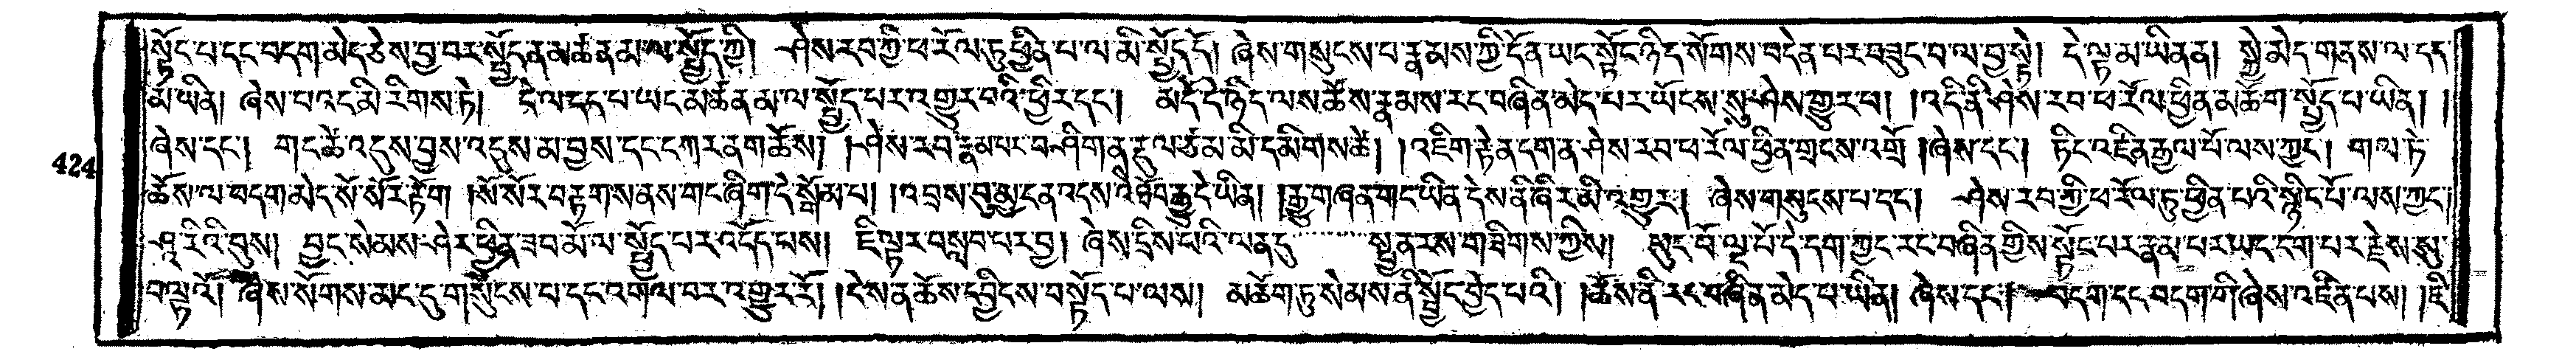སྟོང་པ་དང་བདག་མེད་ཅེས་བྱ་བར་སྤྱོད་ན་མཚན་མས་ཀྱི། ཤེས་རབ་ཀྱི་ཕ་རོལ་ཏུ་ཕྱིན་པ་ལ་མི་སྤྱོད་དོ། ཞེས་གསུངས་པ་རྣམས་ཀྱི་དོན་ཡང་སྟོང་ཉིད་སོགས་བདེན་པར་བཟུང་བ་ལ་བྱ་སྟེ། དེ་ལྟ་མ་ཡིན་ན། སྐྱེ་མེད་གནས་ལ་དད་
མ་ཡིན། ཞེས་པའང་མི་རིགས་ཏེ། དེ་ལ་དད་པ་ཡང་མཚན་མ་ལ་སྤྱོད་པར་འགྱུར་པའི་ཕྱིར་དང་། མདོ་དེ་ཉིད་ལས་ཆོས་རྣམ་རང་བཞིན་མེད་པར་ཡོངས་སུ་ཤེས་གྱུར་པ། །འདི་ནི་ཤེས་རབ་ཕ་རོལ་ཕྱིན་མཆོག་སྤྱོད་པ་ཡིན། །
ཞེས་དང་། གང་ཚེ་འདུས་བྱས་འདུས་མ་བྱས་དང་དཀར་ནག་ཆོས། །ཤེས་རབ་རྣམ་པར་བ་ཤིག་ན་རྡུལ་ཙམ་མི་དམིགས་ཚེ། །འཇིག་རྟེན་དག་ན་ཤེས་རབ་ཕ་རོལ་ཕྱིན་གྲངས་འགྲོ་།ཞེས་དང་། ཏིང་འཛིན་རྒྱལ་པོ་ལས་ཀྱང་། གལ་ཏེ་
ཆོས་ལ་བདག་མེད་སོ་སོར་རྟོག །སོ་སོར་བརྟགས་ནས་གང་ཞིག་དེ་སྒོམ་པ། །འབྲས་བུ་མྱ་ངན་འདས་འཐོབ་རྒྱུ་དེ་ཡིན། །རྒྱུ་གཞན་གང་ཡིན་དེས་ནི་ཞིར་མི་འགྱུར། ཞེས་གསུངས་པ་དང་། ཤེས་རབ་ཀྱི་ཕ་རོལ་ཏུ་ཕྱིན་པའི་སྙིང་པོ་ལས་ཀྱང་།
ཤཱ་རིའི་བུས། བྱང་སེམས་ཤེར་ཕྱིན་ཟབ་མོ་ལ་སྤྱོད་པར་འདོད་པས། ཇི་ལྟར་བསླབ་པར་བྱ། ཞེས་དྲིས་པའི་ལན་དུ་སྤྱན་རས་གཟིགས་ཀྱིས། ཕུང་པོ་ལྔ་པོ་དེ་དག་ཀྱང་རང་བཞིན་གྱིས་སྟོང་པར་རྣམ་པར་ཡང་དག་པར་རྗེས་སུ་
བལྟའོ། ཞེས་སོགས་མང་དུ་གསངས་པ་དང་འགལ་པར་འགྱུར་རོ། །དེས་ན་ཆོས་དབྱིངས་བསྟོད་པ་ལས། མཆོག་ཏུ་སེམས་ནི་སྦྱོང་བྱེད་པའི། །ཆོས་ནི་རང་བཞིན་མེད་པ་ཡིན། ཞེས་དང་། བདག་དང་བདག་གི་ཞེས་འཛིན་པས། །ཇི་